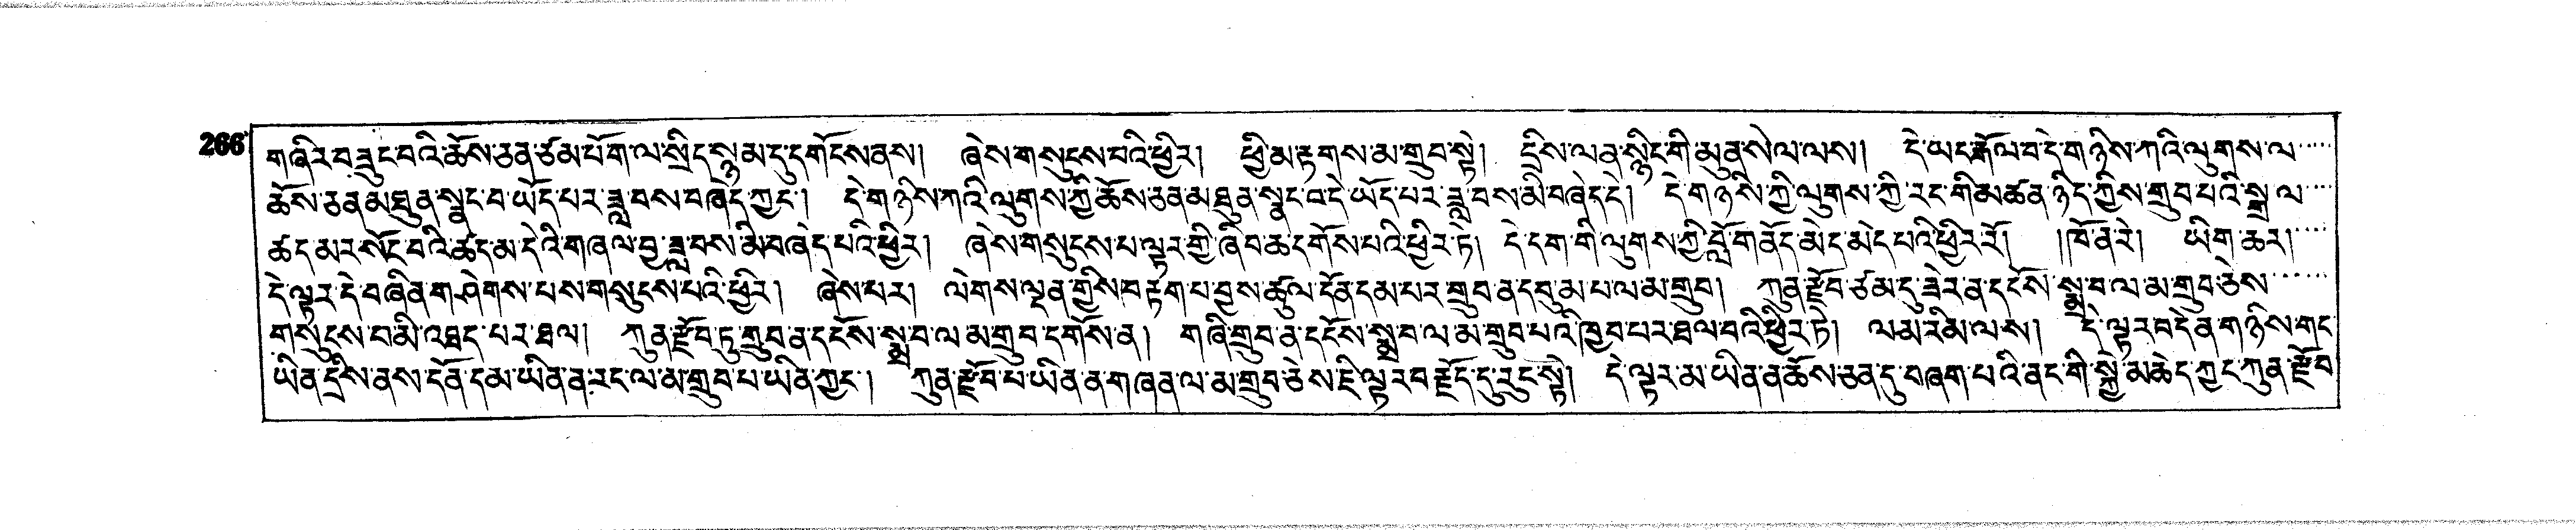གཞིར་བཟུང་བའི་ཆོས་ཅན་ཙམ་པོ་ག་ལ་སྲིད་སྙམ་དུ་དགོངས་ནས། ཞེས་གསུངས་པའི་ཕྱིར། ཕྱི་མ་རྟགས་མ་གྲུབ་སྟེ། དྲིས་ལན་སྙིང་གི་མུན་སེལ་ལས། དེ་ཡང་རྒོལ་བ་དེ་གཉིས་ཀའི་ལུགས་ལ་
ཆོས་ཅན་མཐུན་སྣང་བ་ཡོད་པར་ཟླ་བས་བཞེད་ཀྱང་། དེ་གཉིས་ཀའི་ལུགས་ཀྱི་ཆོས་ཅན་མཐུན་སྣང་བ་དེ་ཡོད་པར་ཟླ་བས་མི་བཞེད་དེ། དེ་གཉིས་ཀྱི་ལུགས་ཀྱི་རང་གི་མཚན་ཉིད་ཀྱིས་གྲུབ་པའི་སྒྲ་ལ་
ཚད་མར་སོང་བའི་ཚད་མ་དེའི་གཞལ་བྱ་ཟླ་བས་མི་བཞེད་པའི་ཕྱིར། ཞེས་གསུངས་པ་ལྟར་གྱི་ཞིབ་ཆ་དགོས་པའི་ཕྱིར་ཏེ། དེ་དག་གི་ལུགས་ཀྱི་བློ་གནོད་མེད་མེད་པའི་ཕྱིར་རོ། །ཁོ་ན་རེ། ཡིག་ཆར།
དེ་ལྟར་དེ་བཞིན་གཤེགས་པས་གསུངས་པའི་ཕྱིར། ཞེས་པར། ལེགས་ལྡན་གྱིས་བརྟག་པ་བྱས་ཚུལ་དོན་དམ་པར་གྲུབ་ན་དབུ་མ་པ་ལ་མ་གྲུབ། ཀུན་རྫོབ་ཙམ་དུ་ཟེར་ན་དངོས་སྨྲ་བ་ལ་མ་གྲུབ་ཅེས་
གསུངས་པ་མི་འཐད་པར་ཐལ། ཀུན་རྫོབ་ཏུ་གྲུབ་ན་དངོས་སྨྲ་བ་ལ་མ་གྲུབ་དགོས་ན། གཞི་གྲུབ་ན་དངོས་སྨྲ་བ་ལ་མ་གྲུབ་པའི་ཁྱབ་པར་ཐལ་བའི་ཕྱིར་ཏེ། ལམ་རིམ་ལས། དེ་ལྟར་བདེན་གཉིས་གང་
ཡིན་དྲིས་ནས་དོན་དམ་ཡིན་ན་རང་ལ་མ་གྲུབ་པ་ཡིན་ཀྱང་། ཀུན་རྫོབ་པ་ཡིན་ན་གཞན་ལ་མ་གྲུབ་ཅེས་ཇི་ལྟར་བརྗོད་དུ་རུང་སྟེ། དེ་ལྟར་མ་ཡིན་ན་ཆོས་ཅན་དུ་བཞག་པའི་ནང་གི་སྐྱེ་མཆེད་ཀྱང་ཀུན་རྫོབ་